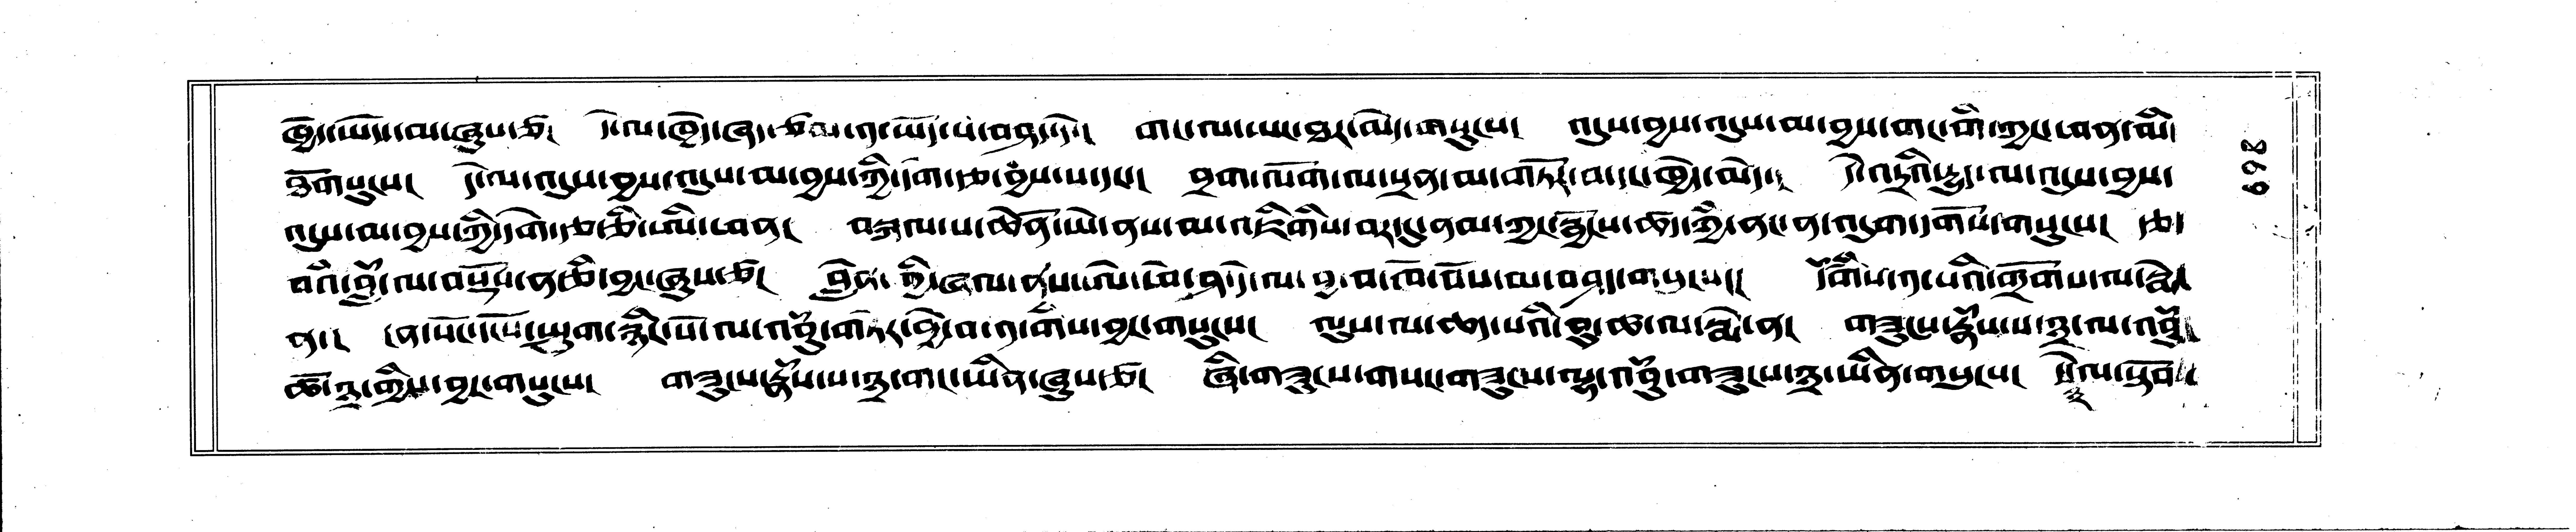ཁྱད་ཡོད་དམ་ཞུས་ཙ།། དེ་ལ་ཡང་ཞད་ཙམ་ཡོད་སྟེ་ གང་ལ་ཡང་ཐར་མེད་གསུངས། འདུས་བྱས་འདུས་མ་བྱས་ཀྱིས་དགེ་རྩས་ཅི་ཡང་ཕན་མི་
ཐོགས་སམ་ཞུས་ཙ།། དེ་ལ་འདུས་བྱས་ཀྱིས་དགེ་རྩ་བྱས་པ་དང་། བྲག་ལོགས་ལ་སྲན་མ་གཏོར་བ་དང་ཁྱད་མེད་གསུངས། དེའི་རྒྱུད་ལ་འདུས་མ་བྱས་
ཀྱིས་དགེ་རྩ་ཅི་ལགས་ན།། བསྐལ་པ་ཆེན་པོ་ཡེ་ནས་མ་འཇིག་ཀྱིས་བར་དུ་ནམ་ཀྱང་༼ཡང་༽སྦྱངས་ཚད་དུ་འདུག་དགོས་གསུངས། རྩ་
བའི་བླ་མ་ལ་བསྡོས་ན་ཅིས་བྱང་ཞུས་ཙ། བླ་ཆེན་གྱིས་ཞལ་ནས། ཕེ་ཤ་དེ་ལ་ཁོ་བོས་བྱང་པར་མ་བཤད་གསུངས། ཚེ་དབང་གིས་ཞལ་ནས་བྱང་རྒྱུ་ཡོད་པར་བཤད། དྲི་མེད་མཆོག་བྱང་ཁྲག་ཁྲིགས་འབུམ་ཚོ་གཅིག་བྱས་ནས། ཀུན་བཟང་གིས་ཞལ་ནས་བྱང་པར་བཤད་གསུངས། དམ་ཚིག་གཅིག་པའི་གྲོཌ་ལ་དམེ་བྱས་
ནས།ངན་སོང་དོང་སྤྲུལ་གིས་སྙིང་པོ་‘‘འབུམ་གཏེར”བྱེ་བ་གཅིག་བྱས་ན་བྱང་གསུངས། ལུས་ལ་ཆད་པའི་བུ་ཚས་དམེ་བྱས་ན། གཟུངས་རྣམས་གསུམ་འབུམ་
ཚོ་སྟོང་བྱས་ནས་བྱང་གསུངས།། གཟུངས་རྣམས་གསུམ་གང་ཡིན་ཞུས་ཙ།། ཞི་གཟུངས་གསང་གཟུངས་ལྷ་གཟུངས་གསུམ་ཡིན། དེ་གསུམ་ལ་སྟོབས་